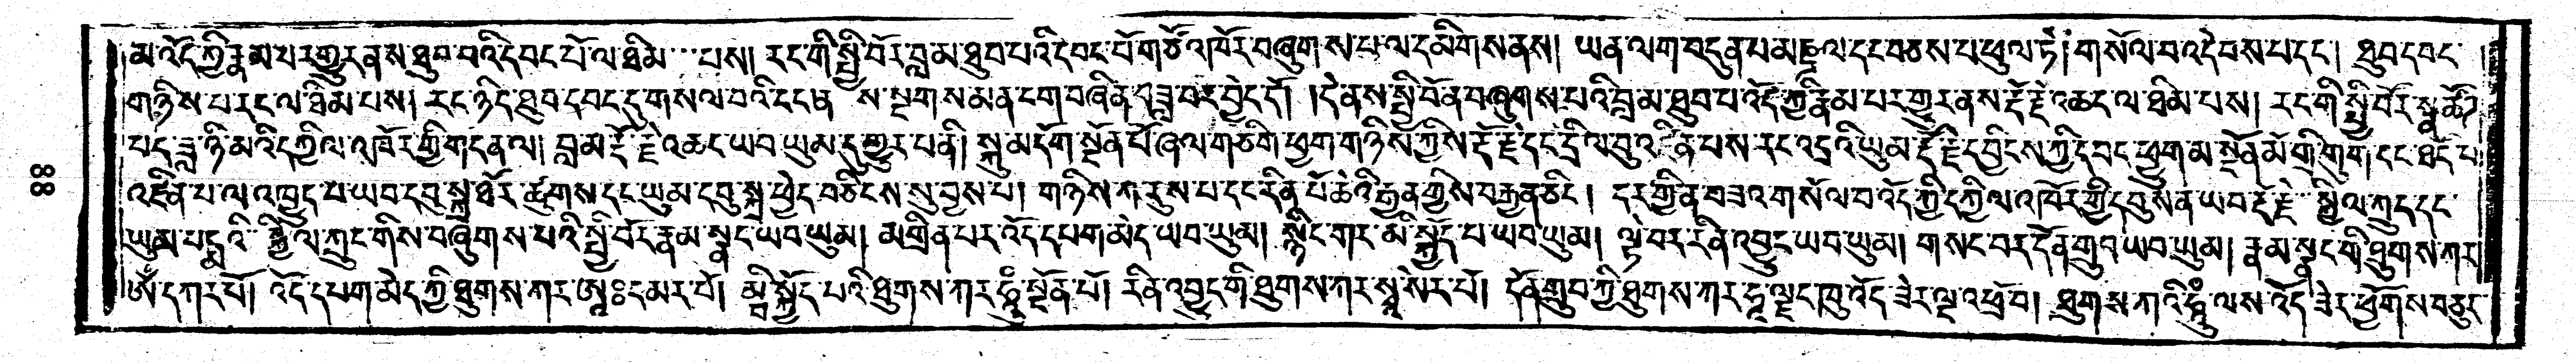མ་འོད་ཀྱི་རྣམ་པར་གྱུར་ནས་ཐུབ་བའི་དབང་པོ་ལ་ཐིམ་པས། རང་གི་སྤྱི་བོར་བླ་མ་ཐུབ་པའི་དབང་པོ་གཙོ་འཁོར་བཞུགས་པ་ལ་དམིགས་ནས། ཡན་ལག་བདུན་པ་མཎྜལ་དང་བཅས་པ་ཕུལ་ཏེ། གསོལ་བ་འདེབས་པ་དང་། ཐུབ་དབང་
གཉིས་པ་རང་ལ་ཐིམ་པས། རང་ཉིད་ཐུབ་དབང་དུ་གསལ་བའི་ངང་ནས་སྔགས་མན་ངག་བཞིན་བཟླ་བར་བྱེད་དོ། །དེ་ནས་སྤྱི་བོ་ན་བཞུགས་པའི་བླ་མ་ཐུབ་པ་འོད་ཀྱི་རྣམ་པར་གྱུར་ནས་རྡོ་རྗེ་འཆང་ལ་ཐིམ་པས། རང་གི་སྤྱི་བོར་སྣ་ཚོཌ་
པད་ཟླ་ཉི་མའི་དཀྱིལ་འཁོར་གྱི་གདན་ལ། བླ་མ་རྡོ་རྗེ་འཆང་ཡབ་ཡུམ་དུ་གྱུར་པ་ནི། སྐུ་མདོག་སྔོན་པོ་ཞལ་གཅིག་ཕྱག་གཉིས་ཀྱིས་རྡོ་རྗེ་དང་དྲིལ་བུ་འཛིན་པས་རང་འདྲའི་ཡུམ་རྡོ་རྗེ་དབྱིངས་ཀྱི་དབང་ཕྱུག་མ་སྔོན་མོ་གྲི་གུག་དང་ཐོད་པ་
འཛིན་པ་ལ་འཁྱུད་པ་ཡབ་དབུ་སྐྲ་ཐོར་ཚུགས་དང་ཡུམ་དབུ་སྐྲ་ཕྱེད་བཅིངས་སུ་བྱས་པ། གཉིས་ཀ་རུས་པ་དང་རིན་པོ་ཆེའི་རྒྱན་གྱིས་བརྒྱན་ཅིང་། དར་གྱི་ན་བཟའ་གསོལ་བ་འོད་ཀྱི་དཀྱིལ་འཁོར་གྱི་དབུས་ན་ཡབ་རྡོ་རྗེ་སྐྱིལ་ཀྲུང་དང་
ཡུམ་པདམའི་སྐྱིལ་ཀྲུང་གིས་བཞུགས་པའི་སྤྱི་བོར་རྣམ་སྣང་ཡབ་ཡུམ། མགྲིན་པར་འོད་དཔག་མེད་ཡབ་ཡུམ། སྙིང་གར་མི་སྐྱོད་པ་ཡབ་ཡུམ། ལྟེ་བར་རིན་འབྱུང་ཡབ་ཡུམ། གསང་བར་དོན་གྲུབ་ཡབ་ཡུམ། རྣམ་སྣང་གི་ཐུགས་ཀར་
ཨོཾ་དཀར་པོ། འོད་དཔག་མེད་ཀྱི་ཐུགས་ཀར་ཨཱཿ དམར་པོ། མྦི་སྐྱོད་པའི་ཐུགས་ཀར་ཧཱུཾ་སྔོན་པོ། རིན་འབྱུང་གི་ཐུགས་ཀར་སྭཱ་སེར་པོ། དོན་གྲུབ་ཀྱི་ཐུགས་ཀར་ཧཱ་ལྗང་ཁུ་འོད་ཟེར་ལྔ་འཕྲོ་བ། ཐུགས་ཀའི་ཧཱུཾ་ལས་འོད་ཟེར་ཕྱོགས་བཅུར་